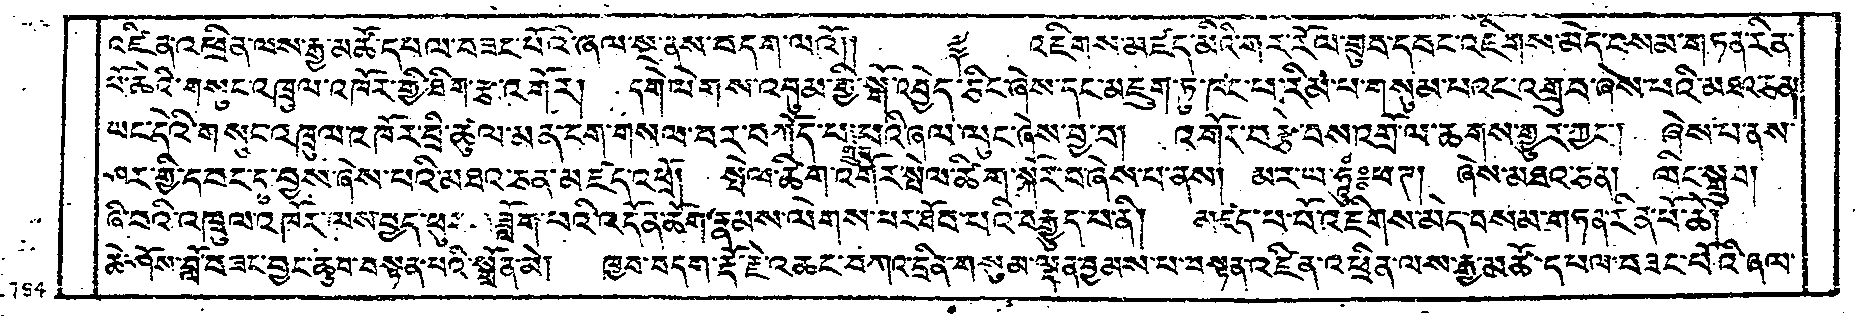འཛིན་འཕྲིན་ལས་རྒྱ་མཚོ་དཔལ་བཟང་པོའི་ཞལ་སྔ་ནས་བདག་ལའོ།། ༈ འཇིགས་མཛད་མིའི་གར་རོལ་གྲུབ་དབང་འཇིགས་མེད་བསམ་གཏན་རིན་
པོ་ཆེའི་གསུང་འཁྲུལ་འཁོར་གྱི་ཐིག་རྩ་འགོར། དགེ་ལེགས་འབུམ་གྱི་སྒོ་འབྱེད་ཅིང་ཞེས་དང་མཇུག་ཏུ་ཁང་པ་རིམ་པ་གསུམ་པའང་འགྲུབ་ཞེས་པའི་མཐའ་ཅན།
ཡང་དེའི་གསུང་འཁྲུལ་འཁོར་བྲི་ཚུལ་མན་ངག་གསལ་བར་བཀོད་པ་གྲུབ་པའི་ཞལ་ལུང་ཞེས་བྱ་བ། འགོར་བརྩེ་བས་འགྲོ་ལ་ཆགས་གྱུར་ཀྱང་། ཞེས་པ་ནས་
ཤར་གྱི་དབང་དུ་བྱས་ཞེས་པའི་མཐའ་ཅན་མཛད་འཕྲོ། སྤེལ་ཚིག་འགོར་སྤེལ་ཚིག་སྐོར་བ་ཞེས་པ་ནས། མ་ར་ཡ་ཧཱུཾཿ ཕཊ། ཞེས་མཐའ་ཅན། ལིང་སྒྲུབ།
ཞི་བའི་འཁྲུལ་འཁོར་ལས་བྱད་ཕུར་བཟློག་པའི་འདོན་ཆོག་རྣམས་ལེགས་པར་ཐོབ་པའི་བརྒྱུད་པ་ནི། མཛད་པ་པོ་འཇིགས་མེད་བསམ་གཏན་རིན་པོ་ཆེ།
ཆེ་ཤོས་བློ་བཟང་བྱང་ཆུབ་བསྟན་པའི་སྒྲོན་མེ། ཁྱབ་བདག་རྡོ་རྗེ་འཆང་བཀའ་དྲིན་གསུམ་ལྡན་བྱམས་པ་བསྟན་འཛིན་འཕྲིན་ལས་རྒྱ་མཚོ་དཔལ་བཟང་པོའི་ཞལ་